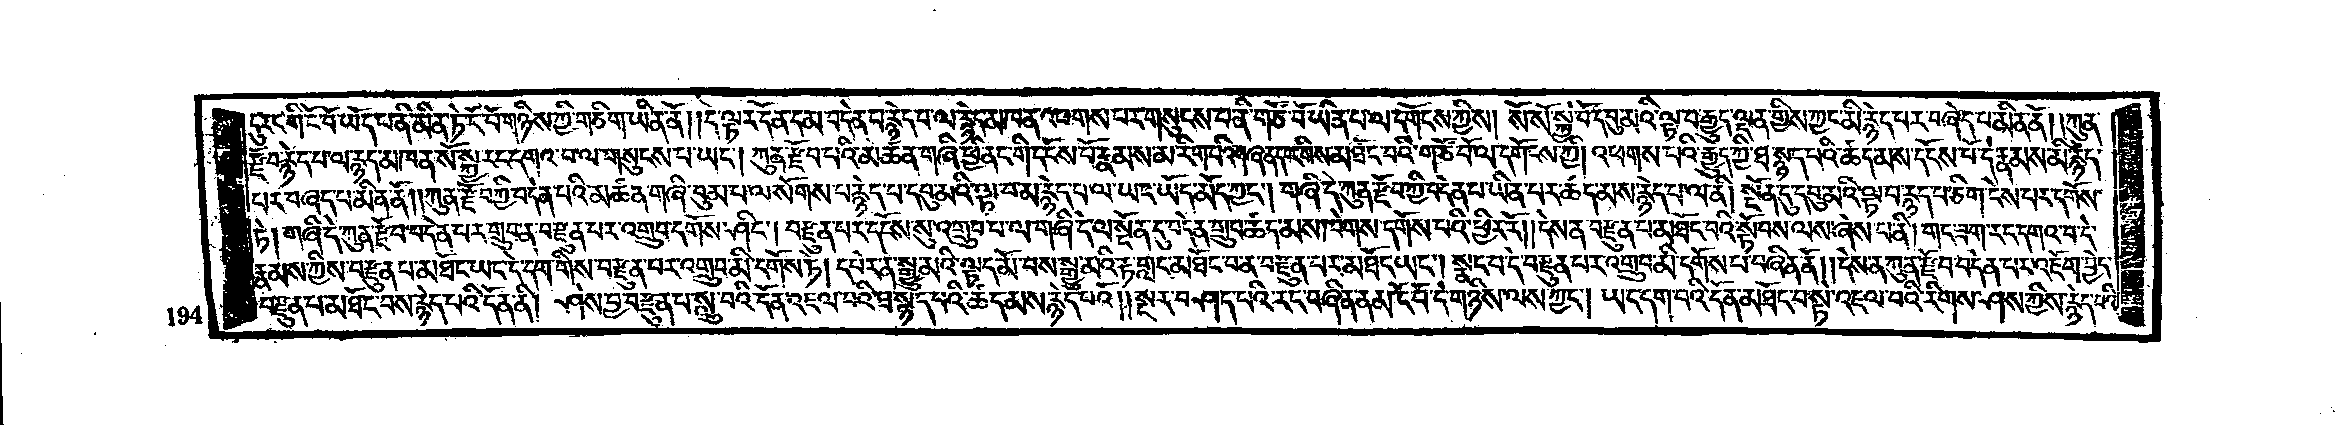དུ་རང་གི་ངོ་བོ་ཡོད་པ་ནི་མིན་ཏེ་ངོ་བོ་གཉིས་ཀྱི་གཅིག་ཡིན་ནོ། །དེ་ལྟར་དོན་དམ་བདེན་པ་རྙེད་པ་ལ་རྙེད་མཁན་འཕགས་པར་གསུངས་པ་ནི་གཙོ་བོ་ཡིན་པ་ལ་དགོངས་ཀྱིས། སོ་སོ་སྐྱེ་བོ་དབུ་མའི་ལྟ་བ་རྒྱུད་ལྡན་གྱིས་ཀྱང་མི་རྙེད་པར་བཞེད་པ་མིན་ནོ། །ཀུན་
རྫོབ་རྙེད་པ་ལ་རྙེད་མཁན་སོ་སྐྱེ་རང་དགའ་བ་ལ་གསུངས་པ་ཡང་། ཀུན་རྫོབ་པའི་མཚན་གཞི་ཕྱི་ནང་གི་དངོས་པོ་རྣམས་མ་རིག་པའི་གཞན་དབང་གིས་མཐོང་བའི་གཙོ་བོ་ལ་དགོངས་ཀྱི། འཕགས་པའི་རྒྱུད་ཀྱི་ཐ་སྙད་པའི་ཚད་མས་དངོས་པོ་དེ་རྣམས་མི་རྙེད་
པར་བཞེད་པ་མིན་ནོ། །ཀུན་རྫོབ་ཀྱི་བདེན་པའི་མཚན་གཞི་བུམ་པ་ལ་སོགས་པ་རྙེད་པ་དབུ་མའི་ལྟ་བ་མ་རྙེད་པ་ལ་ཡང་ཡོད་མོད་ཀྱང་། གཞི་དེ་ཀུན་རྫོབ་ཀྱི་བདེན་པ་ཡིན་པར་ཚད་མས་རྙེད་པ་ལ་ནི། སྔོན་དུ་དབུ་མའི་ལྟ་བ་རྙེད་པ་ཅིག་ངེས་པར་དགོས་
ཏེ། གཞི་དེ་ཀུན་རྫོབ་བདེན་པར་གྲུབ་ན་བརྫུན་པར་འགྲུབ་དགོས་ཤིང་། བརྫུན་པར་དངོས་སུ་འགྲུབ་པ་ལ་གཞི་དེ་ལ་སྔོན་དུ་བདེན་གྲུབ་ཚད་མས་ཁེགས་དགོས་པའི་ཕྱིར་རོ། །དེས་ན་བརྫུན་པ་མཐོང་བའི་སྟོབས་ལས་ཞེས་པ་ནི། གང་ཟག་རང་དགའ་བ་དེ་
རྣམས་ཀྱིས་བརྫུན་པ་མཐོང་ཡང་དེ་དག་གིས་བརྫུན་པར་འགྲུབ་མི་དགོས་ཏེ། དཔེར་ན་སྒྱུ་མའི་ལྟད་མོ་བས་སྒྱུ་མའི་རྟ་གླང་མཐོང་བ་ན་བརྫུན་པར་མཐོང་ཡང་། སྣང་བ་དེ་བརྫུན་པར་འགྲུབ་མི་དགོས་པ་བཞིན་ནོ། །དེས་ན་ཀུན་རྫོབ་བདེན་པར་འཇོག་བྱེད་
བརྫུན་པ་མཐོང་བས་རྙེད་པའི་དོན་ནི། ཤེས་བྱ་བརྫུན་པ་སླུ་བའི་དོན་འཇལ་བའི་ཐ་སྙད་པའི་ཚད་མས་རྙེད་པའོ། །སྔར་བཤད་པའི་རང་བཞིན་ནམ་ངོ་བོ་དེ་གཉིས་ལས་ཀྱང་། ཡང་དག་པའི་དོན་མཐོང་བ་སྟེ་འཇལ་བའི་རིགས་ཤེས་ཀྱིས་རྙེད་པའི་